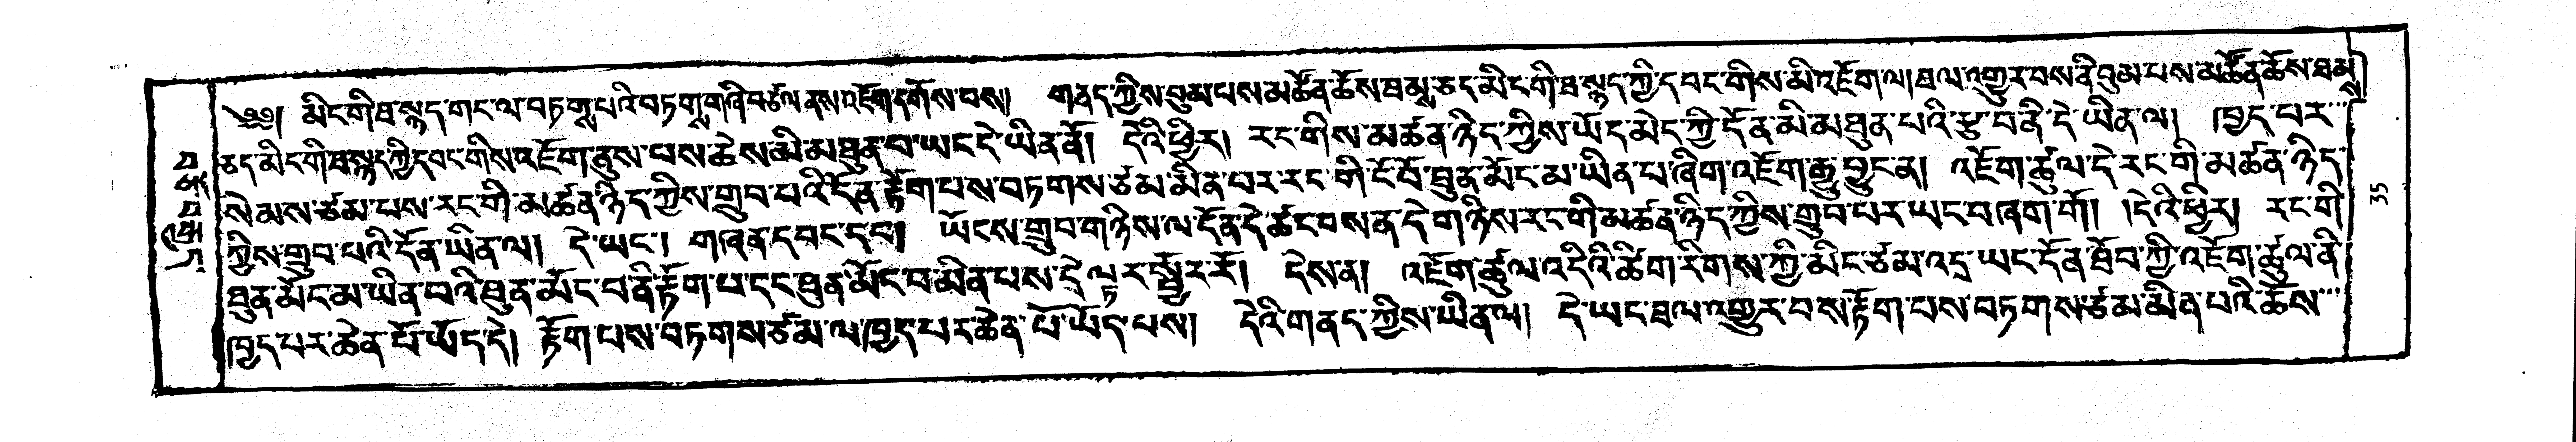༄༅། །མིང་གི་ཐ་སྙད་གང་ལ་བཏགས་པའི་བཏགས་གཞི་བཙལ་ནས་འཇོག་དགོས་པས། གནད་ཀྱིས་བུམ་པས་མཚོན་ཆོས་ཐམས་ཅད་མིང་གི་ཐ་སྙད་ཀྱི་དབང་གིས་མི་འཇོག་ལ། ཐལ་འགྱུར་བས་ནི་བུམ་པས་མཚོན་ཆོས་ཐམས་
ཅད་མིང་གི་ཐ་སྙད་ཀྱི་དབང་གིས་འཇོག་ནུས་པས་ཆེས་མི་མཐུན་པ་ཡང་དེ་ཡིན་ནོ། དེའི་ཕྱིར། རང་གིས་མཚན་ཉིད་ཀྱིས་ཡོད་མེད་ཀྱི་དོན་མི་མཐུན་པའི་རྩ་བ་ནི་དེ་ཡིན་ལ། ཁྱད་པར་
སེམས་ཙམ་པས་རང་གི་མཚན་ཉིད་ཀྱིས་གྲུབ་པའི་དོན་རྟོག་པས་བཏགས་ཙམ་མིན་པར་རང་གི་ངོ་བོ་ཐུན་མོང་མ་ཡིན་པ་ཞིག་འཇོག་རྒྱུ་བྱུང་ན། འཇོག་ཚུལ་དེ་རང་གི་མཚན་ཉིད་
ཀྱིས་གྲུབ་པའི་དོན་ཡིན་ལ། དེ་ཡང་། གཞན་དབང་དང་། ཡོངས་གྲུབ་གཉིས་ལ་དོན་དེ་ཚང་བས་ན་དེ་གཉིས་རང་གི་མཚན་ཉིད་ཀྱིས་གྲུབ་པར་ཡང་བཞག་གོ །དེའི་ཕྱིར། རང་གི་
ཐུན་མོང་མ་ཡིན་པའི་ཐུན་མོང་བ་ནི་རྟོག་པ་དང་ཐུན་མོང་བ་མིན་པས་དེ་ལྟར་སྦྱོར་རོ། །དེས་ན། འཇོག་ཚུལ་འདིའི་ཚིག་རིགས་ཀྱི་མིང་ཙམ་འདྲ་ཡང་དོན་ཐོབ་ཀྱི་འཇོག་ཚུལ་ནི་
ཁྱད་པར་ཆེན་པོ་ཡོད་དེ། རྟོག་པས་བཏགས་ཙམ་ལ་ཁྱད་པར་ཆེན་པོ་ཡོད་པས། དེའི་གནད་ཀྱིས་ཡིན་ལ། དེ་ཡང་ཐལ་འགྱུར་བས་རྟོག་པས་བཏགས་ཙམ་མིན་པའི་ཆོས་